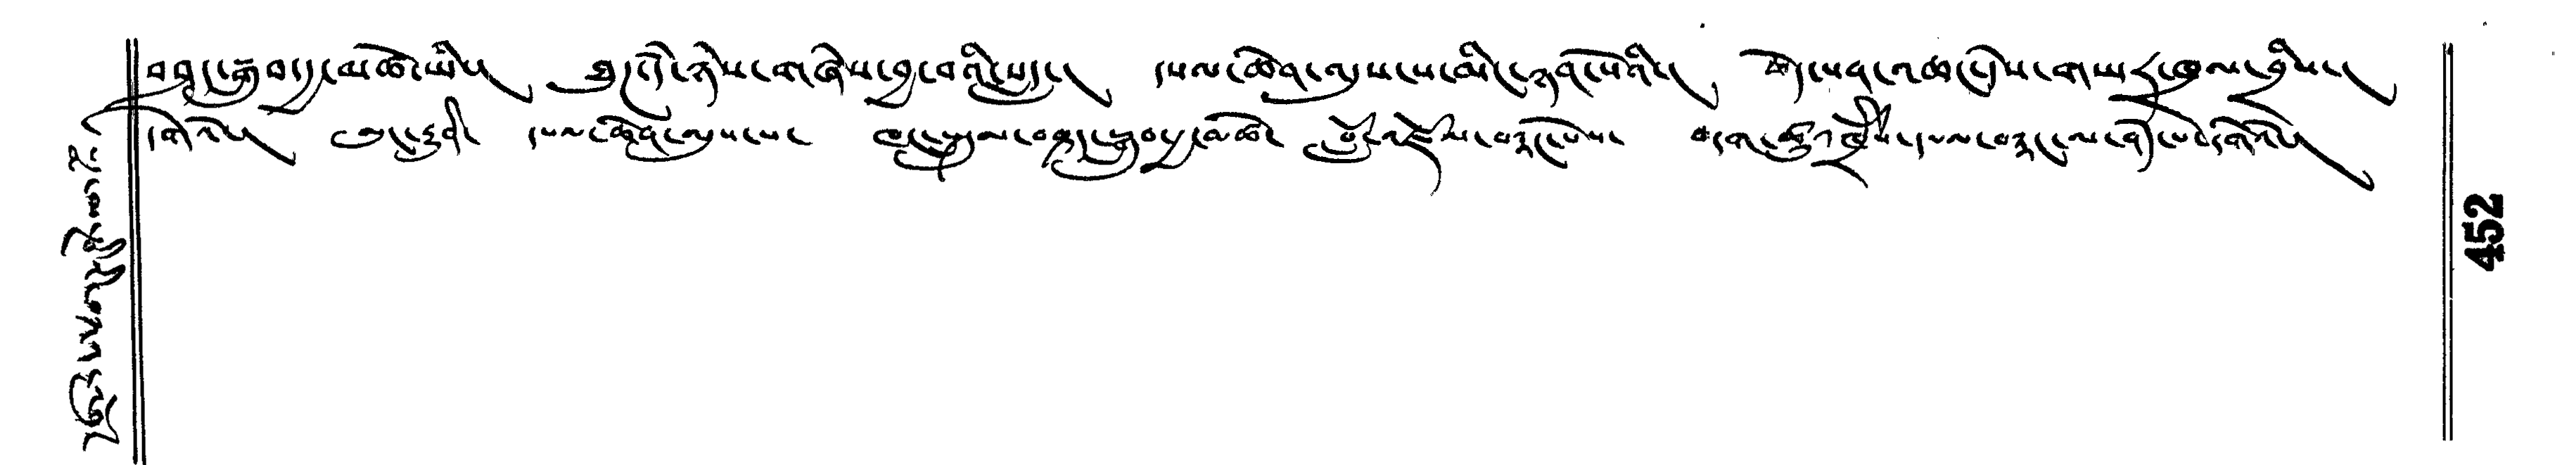བཤད་སྒྲུབ་རྒྱ་མཚོ་ཡི། །ཐུགས་དམ་ཉམས་བཞེས་བྱ་བའི་སླད། །དཔལ་ཆེན་འདུས་པ་མིང་སྙན་པོའི། །ཅོད་པན་འཆང་དེས་གཡར་ཁྲལ་བྲིས། 
དགེའོ།། ལུང་རྒྱུན་ནི། དཔལ་ཆེན་འདུས་པ། ཁང་སྤྲུལ་བཤད་སྒྲུབ་རྒྱ་མཚོ། བླ་མ་འཇམ་དཔལ་བཟང་པོས་བདག་ཚུལ་ཁྲིམས་དཔལ་བཟང་ལ་ནོས་པ་དགེའོ།།